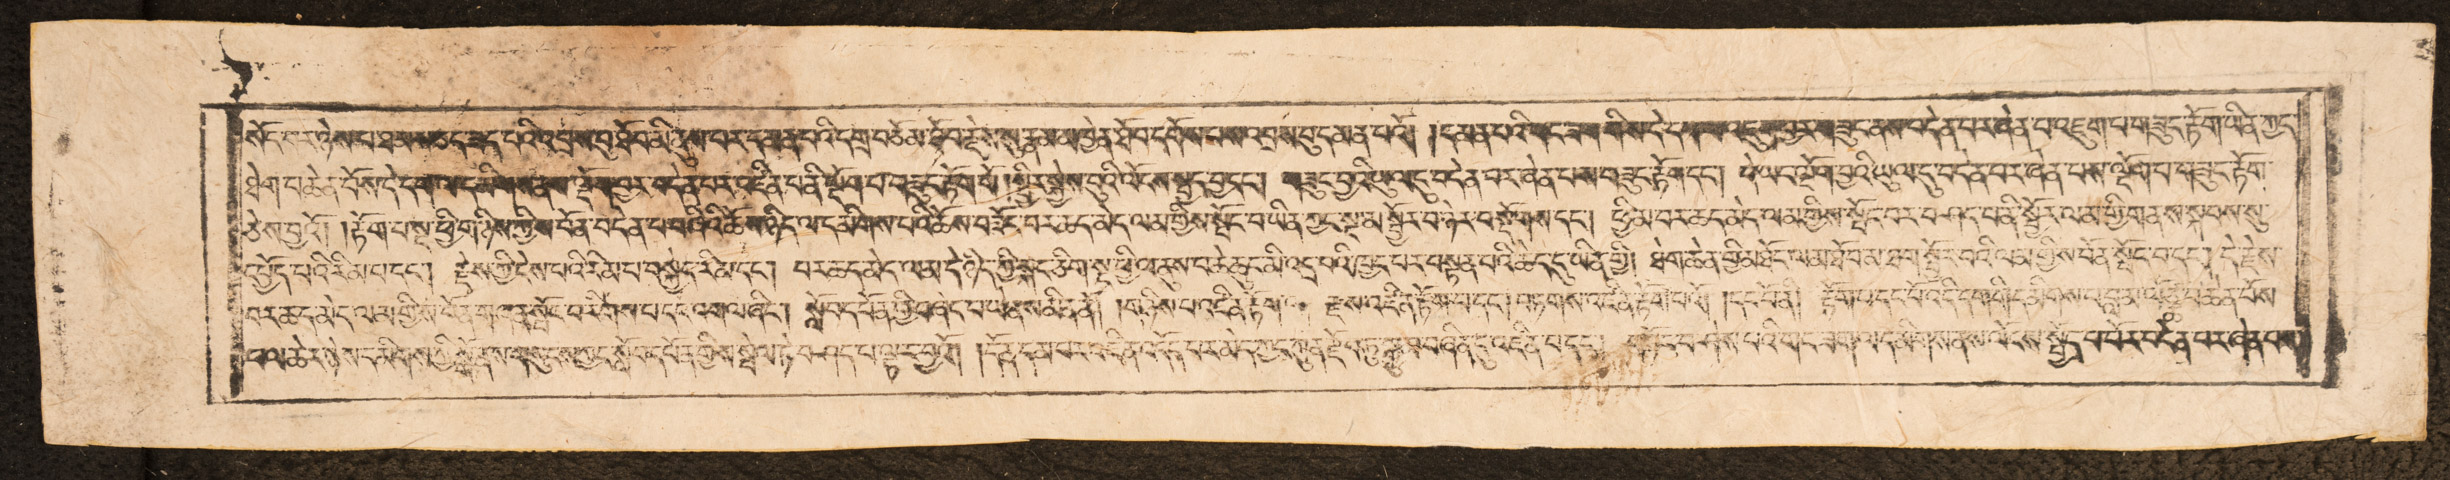སོང་བར་ཉེས་པ་ཐམས་ཅད་ཟད་པའི་འབྲས་བུ་ཐོབ་མི་ནུས་པར་དམན་པའི་དགྲ་བཅོམ་ཐོབ་རྗེས་སུ་རྣམ་མཁྱེན་ཐོབ་དགོས་པས་འབྲས་བུ་དམན་པའོ། །དམན་པའི་གང་ཟག་གིས་དེ་དག་ལ་འཇུག་བྱར་གཟུང་ནས་བདེན་པར་ཞེན་པ་འཇུག་པ་གཟུང་རྟོག་ཡིན་ཀྱང་
ཐེག་པ་ཆེན་པོས་དེ་དག་ལ་དམིགས་ནས་ལྡོག་བྱར་བདེན་པར་འཛིན་པ་ནི་ལྡོག་པ་གཟུང་རྟོག་གོ །སྤྱིར་སྐྱེས་བུའི་ལོངས་སྤྱད་བྱ་དང་། གཟུང་བྱའི་ཡུལ་དུ་བདེན་པར་ཞེན་པས་གཟུང་རྟོག་དང་། དེ་ཡང་ལྡོག་བྱའི་ཡུལ་དུ་བདེན་པར་ཞེན་པས་ལྡོག་པ་གཟུང་རྟོག་
ཅེས་བྱའོ། །རྟོག་པ་སྔ་ཕྱི་གཉིས་ཀྱི་ས་བོན་བདེན་པ་བཞིའི་ཆོས་ཉིད་ལ་དམིགས་པའི་ཆོས་བཟོད་བར་ཆད་མེད་ལམ་གྱིས་སྤོང་བ་ཡིན་ཀྱང་སྔ་མ་སྦྱོར་བ་ཉེར་བསྔོགས་དང་། ཕྱི་མ་བར་ཆད་མེད་ལམ་གྱིས་སྤོང་བར་བཤད་པ་ནི་སྦྱོར་ལམ་གྱི་གནས་སྐབས་སུ་
དཔྱོད་པའི་རིམ་པ་དང་། རྗེས་ཀྱི་ངེས་པའི་རིམ་པ་བསྐྱེད་རིམ་དང་། བར་ཆད་མེད་ལམ་དེ་ཉིད་ཀྱི་སྐད་ཅིག་སྔ་ཕྱི་ལ་ནུས་པ་ཆེ་ཆུང་མི་འདྲ་བའི་ཁྱད་པར་བསྟན་པའི་ཆེད་དུ་ཡིན་གྱི། ཐེག་ཆེན་གྱི་མཐོང་ལམ་ཐོབ་མ་ཐག་སྦྱོར་བའི་ལམ་གྱི་ས་བོན་སྤོང་བ་དང་། ད་རྗེས་
བར་ཆད་མེད་ལམ་གྱི་ས་བོན་གཞན་སྤོང་བ་རིགས་པ་དང་འགལ་ཞིང་། སློབ་དཔོན་གྱི་བཞེད་པ་ཡེ་ནས་མིན་ནོ། །གཉིས་པ་འཛིན་རྟོག་ལ། རྫས་འཛིན་རྟོག་པ་དང་། བཏགས་འཛིན་རྟོག་པའོ། །དང་པོ་ནི། རྟོག་པ་དང་པོ་འདི་དག་གི་དམིགས་པ་བླ་མ་ལོཙྪ་བ་ཆེན་པོས་
ཕལ་ཆེར་ཉེས་དམིགས་ཀྱི་སྒོ་ནས་གསུངས་ཀྱང་སློབ་དཔོན་གྱིས་སྤེལ་ཏེ་བཤད་པ་ལྟར་བྱའོ། །དོན་དམ་པར་འཛིན་འདོད་པར་མེད་ཀྱང་ཀུན་རྫོབ་ཏུ་སྒྱུ་མ་བཞིན་དུ་འཛིན་པ་དང་། གཏོང་བ་ཤེས་པའི་གང་ཟག་ལ་དམིགས་ནས་ལོངས་སྤྱོད་པ་པོར་བདེན་པར་ཞེན་པས་